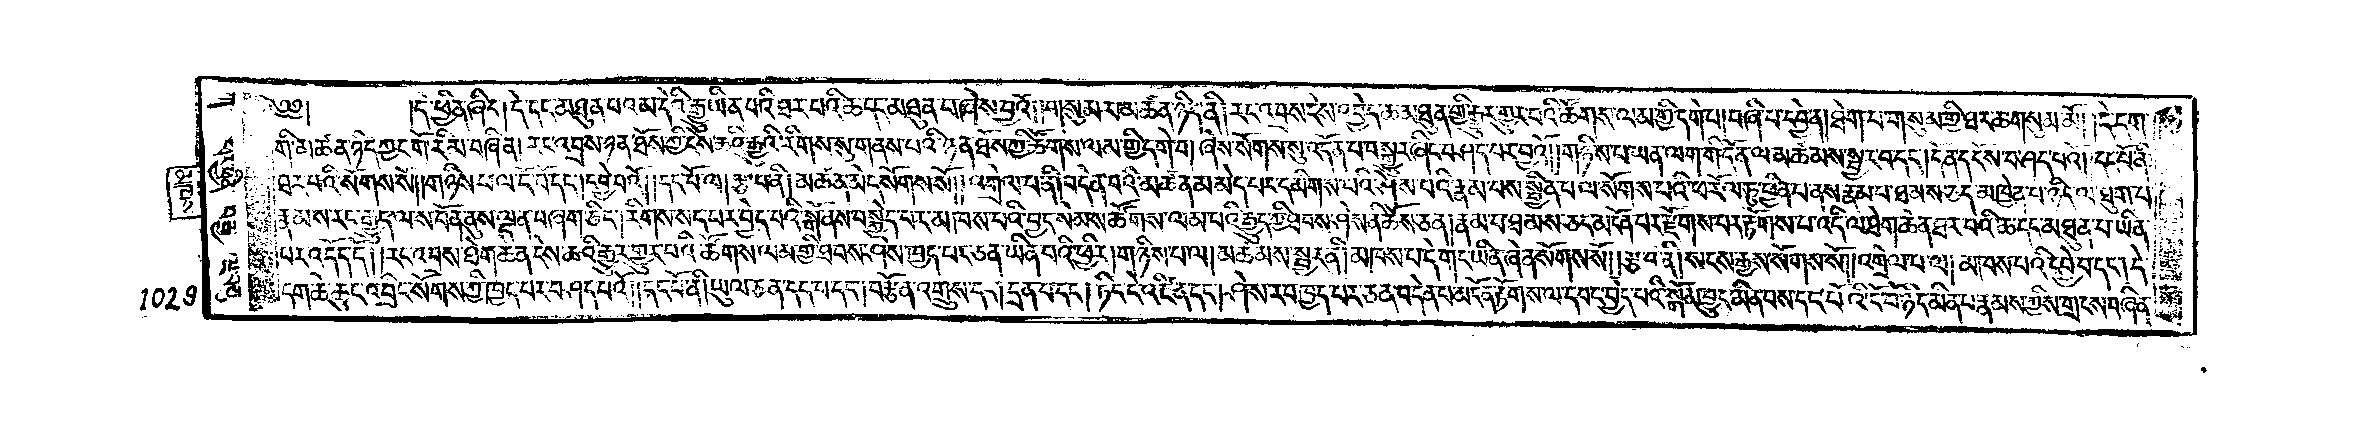༄༅། །དེ་ཕྱིན་ཞིང་། དེ་དང་མཐུན་པའམ་དེའི་རྒྱུ་ཡིན་པའི་ཐར་པའི་ཆ་དང་མཐུན་པ་ཞེས་བྱའོ། །གསུམ་པ་མཚན་ཉིད་ནི། རང་འབྲས་ངེས་འབྱེད་ཆ་མཐུན་གྱི་རྒྱུར་གྱུར་བའི་ཚོགས་ལམ་གྱི་དགེ་པ། བཞི་པ་དབྱེ་ན། ཐེག་པ་གསུམ་གྱི་ཐར་ཆ་གསུམ་མོ། །དེ་དག་
གི་མཚན་ཉིད་ཀྱང་གོ་རིམ་བཞིན། རང་འབྲས་ཉན་ཐོས་ཀྱི་ངེས་ཆའི་རྒྱུའི་རིགས་སུ་གནས་པའི་ཉན་ཐོས་ཀྱི་ཚོགས་ལམ་གྱི་དགེ་བ། ཞེས་སོགས་སུ་འདོན་པ་བསྒྱུར་ཞིང་བཤད་པར་བྱའོ། །གཉིས་པ་ཡན་ལག་གི་དོན་ལ་མཚམས་སྦྱར་བ་དང་། དོན་དངོས་བཤད་པའོ། དང་པོ་ནི་
ཐར་པའི་སོགས་སོ། །གཉིས་པ་ལ་ངོ་བོ་དང་། དབྱེ་བའོ། །དང་པོ་ལ། རྩ་པ་ནི། མཚན་མེད་སོགས་སོ། །འགྲེལ་པ་ནི། བདེན་པའི་མཚན་མ་མེད་པར་དམིགས་པའི་ཤེས་པའི་རྣམ་པས་སྦྱིན་པ་ལ་སོགས་པའི་ཕ་རོལ་ཏུ་ཕྱིན་པ་ནས་རྣམ་པ་ཐམས་ཅད་མཁྱེན་པ་ཉིད་ལ་ཐུག་པ་
རྣམས་རང་རྒྱུད་ལ་ས་བོན་ནུས་ལྡན་བཞག་ཅིང་། རིགས་སད་པར་བྱེད་པའི་སྒོ་ནས་བསྐྱེད་པར་མཁས་པའི་བྱང་སེམས་ཚོགས་ལམ་པའི་རྒྱུད་ཀྱི་ཐབས་ཤེས་ནི་ཆོས་ཅན། རྣམ་པ་ཐམས་ཅད་མངོན་པར་རྫོགས་པར་རྟོགས་པ་འདི་ལ་ཐེག་ཆེན་ཐར་པའི་ཆ་དང་མཐུན་པ་ཡིན་
པར་འདོད་དོ། །རང་འབྲས་ཐེག་ཆེན་ངེས་ཆའི་རྒྱུར་གྱུར་པའི་ཚོགས་ལམ་གྱི་ཐབས་ཤེས་ཁྱད་པར་ཅན་ཡིན་པའི་ཕྱིར། གཉིས་པ་ལ། མཚམས་སྦྱར་ནི། མཁས་པ་དེ་གང་ཡིན་ཞེ་ན་སོགས་སོ། །རྩ་བ་ནི། སངས་རྒྱས་སོགས་སོ། །འགྲེལ་པ་ལ། མཁས་པའི་དབྱེ་བ་དང་། དེ་
དག་ཆེ་ཆུང་འབྲིང་སོགས་ཀྱི་ཁྱད་པར་བཤད་པའོ། །དང་པོ་ནི། ཡུལ་ཅན་དད་པ་དང་། བརྩོན་འགྲུས་དང་། དྲན་པ་དང་། ཏིང་ངེ་འཛིན་དང་། ཤེས་རབ་ཁྱད་པར་ཅན་བདེན་པ་མངོན་རྟོགས་ལ་དབང་བྱེད་པའི་སྒོམ་བྱུང་མིན་བས་དང་པོའི་ངོ་བོ་ཉིད་མིན་པ་རྣམས་ཀྱིས་གྲངས་བཞིན་